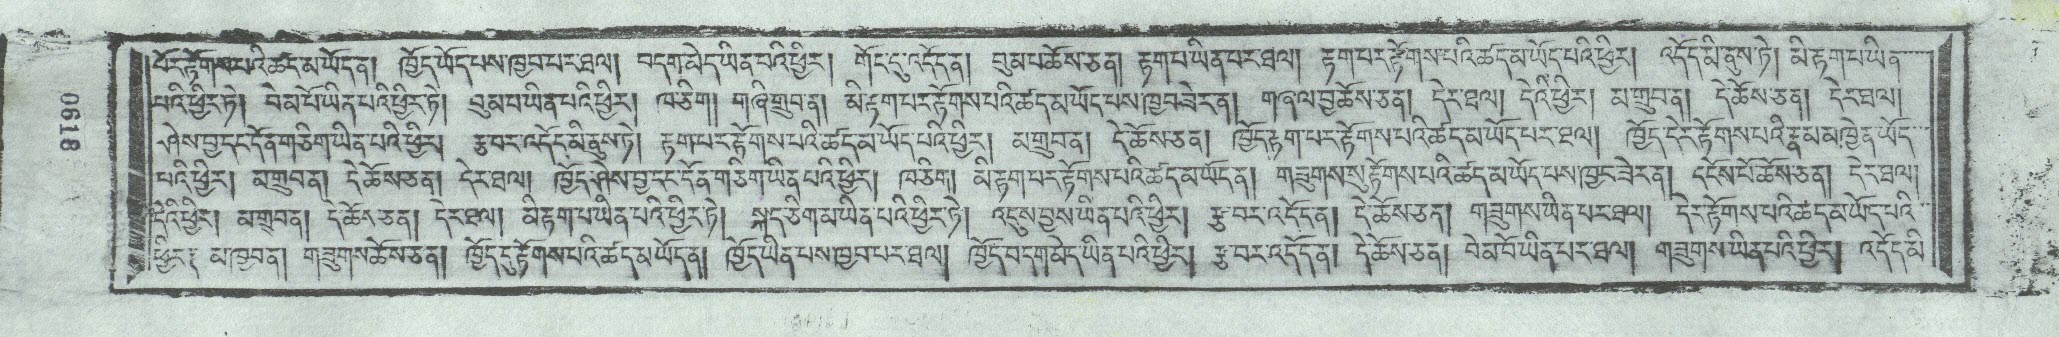པོར་རྟོགས་པའི་ཚད་མ་ཡོད་ན། ཁྱོད་ཡོད་པས་ཁྱབ་པར་ཐལ། བདག་མེད་ཡིན་པའི་ཕྱིར། གོང་དུ་འདོད་ན། བུམ་པ་ཆོས་ཅན། རྟག་པ་ཡིན་པར་ཐལ། རྟག་པར་རྟོགས་པའི་ཚད་མ་ཡོད་པའི་ཕྱིར། འདོད་མི་ནུས་ཏེ། མི་རྟག་པ་ཡིན་
པའི་ཕྱིར་ཏེ། བེམ་པོ་ཡིན་པའི་ཕྱིར་ཏེ། བུམ་པ་ཡིན་པའི་ཕྱིར། ཁ་ཅིག། གཞི་གྲུབ་ན། མི་རྟག་པར་རྟོགས་པའི་ཚད་མ་ཡོང་པས་ཁྱབ་ཟེར་ན། གཞལ་བྱ་ཆོས་ཅན། དེར་ཐལ། དེའི་ཕྱིར། མ་གྲུབ་ན། དེ་ཆོས་ཅན། དེར་ཐལ།
ཤེས་བྱ་དང་དོན་གཅིག་ཡིན་པའི་ཕྱིར། རྩ་བར་འདོད་མི་ནུས་ཏེ། རྟག་པར་རྟོགས་པའི་ཚད་མ་ཡོད་པའི་ཕྱིར། མ་གྲུབ་ན། དེ་ཆོས་ཅན། ཁྱོད་རྟག་པར་རྟོགས་པའི་ཚད་མ་ཡོད་པར་ཐལ། ཁྱོད་དེར་རྟོགས་པའི་རྣམ་མཁྱེན་ཡོད་
པའི་ཕྱིར། མ་གྲུབ་ན། དེ་ཆོས་ཅན། དེར་ཐལ། ཁྱོད་ཤེས་བྱ་དང་དོན་གཅིག་ཡིན་པའི་ཕྱིར། ཁ་ཅིག། མི་རྟག་པར་རྟོགས་པའི་ཚད་མ་ཡོད་ན། གཟུགས་སུ་རྟོགས་པའི་ཚད་མ་ཡོད་པས་ཁྱབ་ཟེར་ན། དངོས་པོ་ཆོས་ཅན། དེར་ཐལ།
དེའི་ཕྱིར། མ་གྲུབ་ན། དེ་ཆོས་ཅན། དེར་ཐལ། མི་རྟག་པ་ཡིན་པའི་ཕྱིར་ཏེ། སྐད་ཅིག་མ་ཡིན་པའི་ཕྱིར་ཏེ། འདུས་བྱས་ཡིན་པའི་ཕྱིར། རྩ་བར་འདོད་ན། དེ་ཆོས་ཅན། གཟུགས་ཡིན་པར་ཐལ། དེར་རྟོགས་པའི་ཆད་མ་ཡོད་པའི་
ཕྱིར༑ མ་ཁྱབ་ན། གཟུགས་ཆོས་ཅན། ཁྱོད་དུ་རྟོགས་པའི་ཚད་མ་ཡོད་ན། ཁྱོད་ཡིན་པས་ཁྱབ་པར་ཐལ། ཁྱོད་བདག་མེད་ཡིན་པའི་ཕྱིར། རྩ་བར་འདོད་ན། དེ་ཆོས་ཅན། བེམ་པོ་ཡིན་པར་ཐལ། གཟུགས་ཡིན་པའི་ཕྱིར། འདོད་མི་